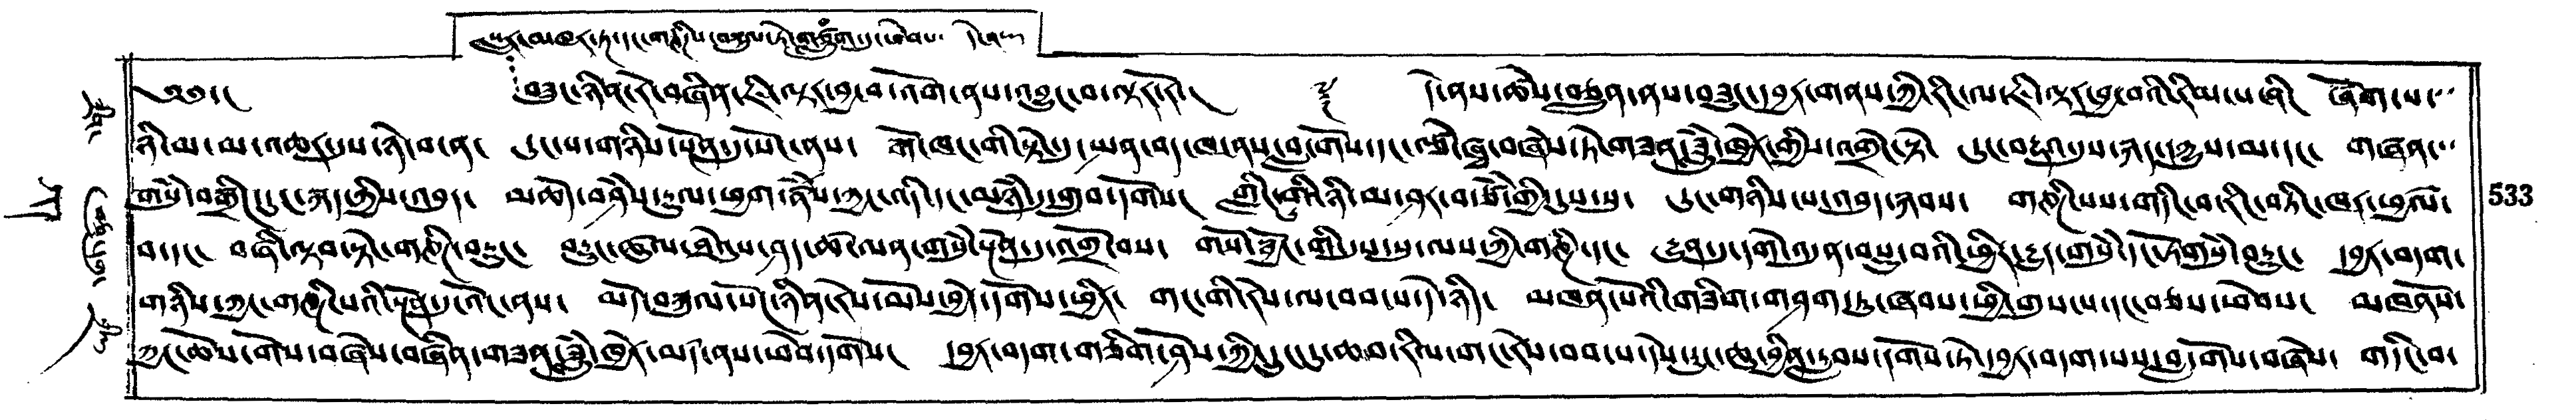སླར་མཁར་རྔ་དང་གཎྜིས་བསྐུལ་ཏེ་གཙུག་ལག་ཁང་དུ་ཕེབས། དེ་ནས་བཟུང་ཉིན་རེ་བཞིན་ཇི་ལྟར་བྱ་བ་འོག་ནས་འབྱུང་བ་ལྟར་རོ།། ༈ དེ་ནས་ཚེས་བཅུ་བདུན་ནས་བཟུང་དབྱར་གནས་ཀྱི་རིང་ལ་ཇི་ལྟར་བྱ་བའི་རིམ་པ་ནི། ཞོགས་པ་
ཉི་མ་འཆར་དུས་ཉེ་བ་ན། དུང་པ་གཉིས་སྔོན་དུ་འགྲོ་སྟེ། སྒོ་ཁང་གི་སྟེང་དུ་སྤེན་བད་ཁ་ནས་བླ་གོས་དང་རྩེ་ཞྭ་བཞེས་ཏེ་གཟན་ཟླུམ་ཁྱེར་གྱིས་འགྲེང་སྟེ། དུང་བརྡའ་དུང་སྐད་དཀྱུས་མ་དང་། གཞན་
གསུམ་བསྒྲིགས་དུང་སྐད་ཀྱིས་འབུད། མཆོད་བཤམས་རྡུལ་ཕྱག་རྣམས་ཀྱང་འདི་དང་མཉམ་དུ་གྲུབ་དགོས། གླིང་དྲུག་གི་ཉི་མ་ཤར་བ་ཙམ་གྱི་དུས་སུ། དུང་གཉིས་པ་འབུད་སྐབས། གཎྜི་པས་གདིང་བ་རིང་བཏིང་ཁར་ཕྱག་འཚལ་
བ་དང་། བཞི་བལྟབ་སྟེང་གཎྜི་བརྡུང་། བརྡུང་ཚུལ་ཐེའུས་ཤད་ཚ་ལན་གསུམ་སྔོན་དུ་འགྲོ་བས། གསོ་སྦྱོང་གི་དུས་སུ་ལས་ཀྱི་གཎྜི་དང་། རྒྱུན་དུ་དགེ་འདུན་བསྡུ་བའི་ཕྱིར་རྒྱུད་གསུམ་དང་ཏོག་གསུམ་བརྡུང། དབྱར་བདག་
གཉིས་ཀྱང་གཎྜི་པའི་སྔོན་དུ་འོང་ནས། མདོ་བསྐུལ་སོགས་ཉིན་རེས་མོས་བྱེད་དགོས་ཕྱིར། གང་གི་རེས་ལ་བབ་པ་དེ་ཉིད་མཁན་པོའི་གཟིམས་ཤག་ཏུ་ཞབས་ཕྱི་གུས་པ་དང་བཅས་ཕེབས། མཁན་པོས་
ཀྱང་ཆོས་གོས་བཞེས་བཞིན་གཟན་ཟླུམ་ཁྱེར་མཛད་ནས་ཕེབས་དགོས། དབྱར་བདག་གཅིག་ཤོས་ཀྱི་དྲུང་དུ་ཆབ་རིལ་གང་རེས་བབ་པ་དེས་རུང་ཆུ་བྱིན་བརླབས་གོས་ཏེ་དབྱར་བདག་པས་བླ་དགོས་བཞེས། གདིང་བ་